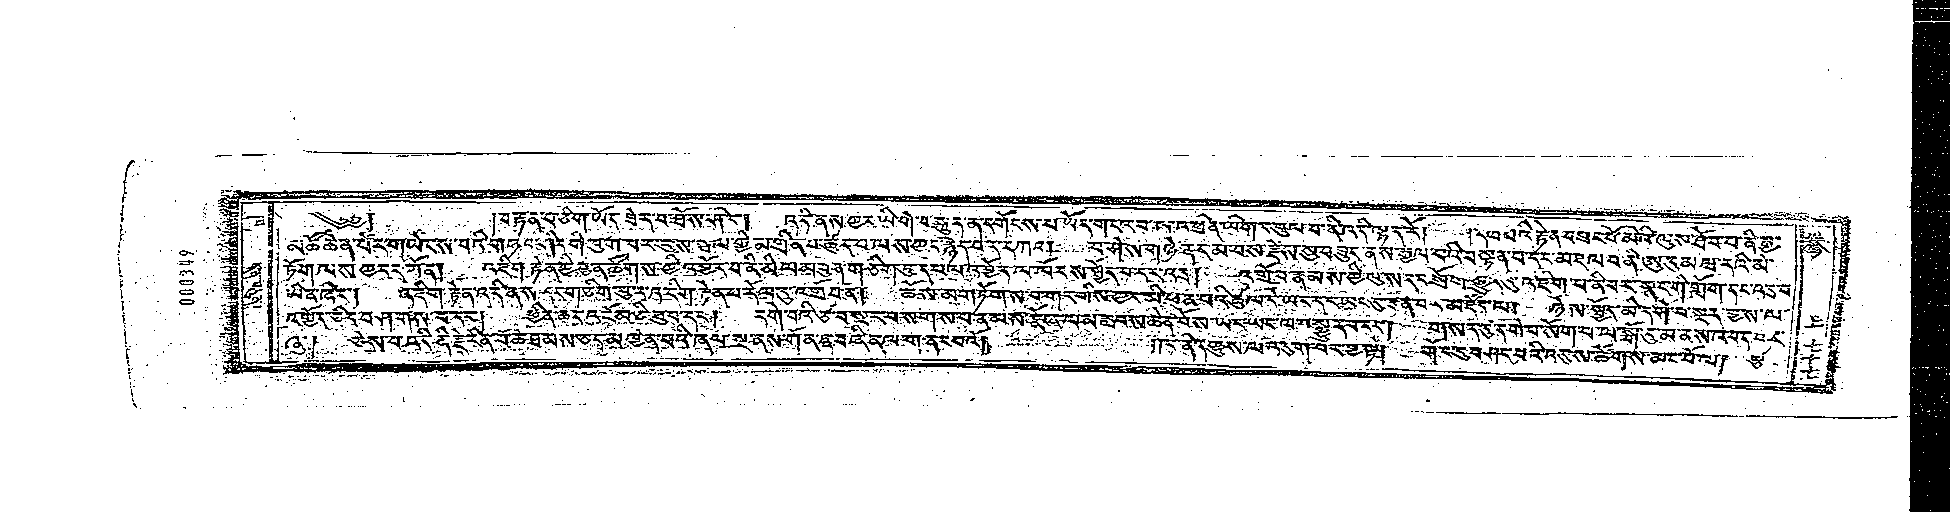༄༅། །བརྟན་པ་ཅིག་ཡོད་ཟེར་བ་ཐོས་ཤིང་། འདི་ནས་ཀྱང་ཡི་གེ་བསྐུར་ན་དགོངས་པ་ཡོད་གདའ་བ་ལ་འཕྲིན་ཡིག་དབུལ་བ་ནི་འདི་ལྟར་རོ། །རལ་བའི་རྟེན་བཟང་པོ་མིའི་ལུས་ཐོབ་པ་ནི་རྒྱ་
མཚོ་ཆེན་པོར་གཡེངས་བའི་གཉའ་ཤིང་གི་བུག་པར་རུས་སྤལ་གྱི་མ་གྲིན་པ་ཚུར་པ་ལས་ཀྱང་རྙེད་བར་དཀའ། བ་ཤེས་གཉེན་དམ་པས་རྗེས་སུ་བཟུང་ནས་རྒྱལ་བའི་བསྟན་པ་དང་མཇལ་བ་ནི་ཨུ་དུམ་ཝ་རའི་མེ་
ཏོག་ལས་ཀྱང་དཀོན། འཇིག་རྟེན་གྱི་ཕུན་ཚོགས་ཀྱི་འབྱོར་བ་ནི་མི་ལ་མཐུན་གཅིག་ཏུ་དཔལ་འབྱོར་ལ་ལོངས་སྤྱོད་པ་དང་འདྲ། འགྲོ་བ་རྣམས་ཀྱི་ལུས་དང་སྲོག་མྱུར་དུ་འཇིག་པ་ནི་བར་སྣང་གི་གློག་དང་འདྲ་བ་
ཡིན་ཞིང་། འཇིག་རྟེན་འདི་ནས་དང་གཅིག་པུར་འཇིག་རྟེན་ཕ་རོལ་དུ་འགྲོ་བ་ན། ཆོས་མ་གཏོགས་བ་གང་གིས་ཀྱང་མི་ཕན་པའི་ཚུལ་དེ་ཡང་དང་ཡང་དུ་དྲན་བར་མཛོད་ལ། ཉེས་སྤྱོད་མི་དགེ་བ་སྔར་བྱས་ལ་
འགྱོད་ཅིང་བཤགས་པ་དང་། ཕྱིན་ཆང་འཇོམ་ཅི་ཐུབ་དང་། དགེ་བའི་ཙ་བ་སྡང་བསགས་པ་ནམས་སྨོན་ལམ་སླབས?་ཆེན་པོས་ཡང་ཡང་ལ་བསྒྱུར་བ་དང་། གསར་དུ་དགེ་བ་སོག་པ་ལ་སྒོ་དུ་མ་ནས་འབད་པར་
ཞུ། ཅེས་པ་འདི་ནི་རྗེ་རིན་པོ་ཆེ་ཐམས་ཅད་མཁྱེན་པའི་ཞལ་སྔ་ནས་གོན་ཤཱ་བཞིན་ལ་གནང་བའོ།། །།ང་ནི་དགྱུས་ལ་འདུག་བར་བྱ་སྟེ། གོང་དུ་བཤད་པའི་འདུས་ཚོགས་མང་པོ་ལ། རྩ་